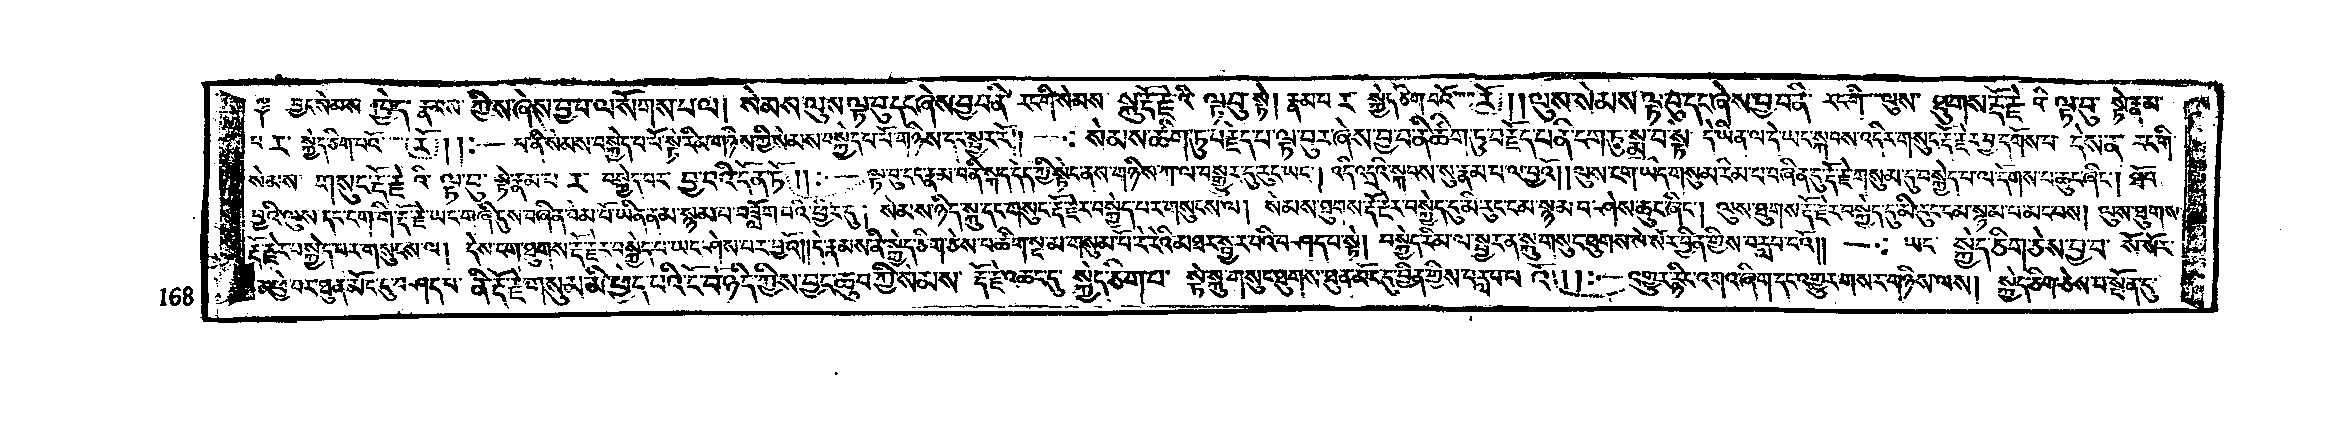༈ བྱང་སེམས་ཁྱེད་རྣམས་ཀྱིས་ཞེས་བྱ་བ་ལ་སོགས་པ་ལ། སེམས་ལུས་ལྟ་བུ་དང་ཞེས་བྱ་བ་ནི་རང་གི་སེམས་སྐུ་རྡོ་རྗེའི་ལྟ་བུ་སྟེ། རྣམ་པར་སྐྱེད་ཅིག་པའོ་རོ། །ལུས་སེམས་ལྟ་བུ་དང་ཞེས་བྱ་བ་ནི་རང་གི་ལུས་ཐུགས་རྡོ་རྗེའི་ལྟ་བུ་སྟེ་རྣམ་
པར་སྐྱེད་ཅིག་པའོ་རོ། ། H.་པ་ནི་སེམས་བསྐྱེད་པ་པོ་སྟེ་རིམ་གཉིས་ཀྱི་སེམས་བསྐྱེད་པ་པོ་གཉིས་དང་སྦྱར་རོ།། .H སེམས་ཚིག་ཏུ་བརྗོད་པ་ལྟ་བུར་ཞེས་བྱ་བ་ནི་ཚིག་ཏུ་བརྗོད་པ་ནི་ངག་ཏུ་སྨྲ་བ་སྟེ་དེ་ཡིན་ལ་དེ་ཡང་སྐབས་འདིར་གསུང་རྡོ་རྗེར་བྱ་དགོས་པ་དེས་ན་རང་གི་
སེམས་གསུང་རྡོ་རྗེའི་ལྟ་བུ་སྟེ་རྣམ་པར་བསྐྱེད་པར་བྱ་བའི་དོན་ཏོ།། H.་ལྟ་བུ་དང་རྣམ་པ་ནི་སྐད་དོད་ཀྱི་སྟེང་ནས་གཉིས་ཀ་ལ་བསྒྱུར་དུ་རུང་ཡང་། འདི་འདྲའི་སྐབས་སུ་རྣམ་པ་ལ་བྱའོ། །ལུས་ངག་ཡིད་གསུམ་རིམ་པ་བཞིན་དུ་རྡོ་རྗེ་གསུམ་དུ་བསྐྱེད་པ་ལ་དོགས་པ་ཆུང་ཞིང་། ཐོབ་
བྱའི་ལུས་དང་ངག་གི་རྡོ་རྗེ་ཡང་གཞི་དུས་བཞིན་བེམ་པོ་ཡིན་ནམ་སྙམ་པ་བཟློག་པའི་ཕྱིར་དུ། སེམས་ཉིད་སྐུ་དང་གསུང་རྡོ་རྗེར་བསྐྱེད་པར་གསུངས་ལ། སེམས་ཐུགས་རྡོ་རྗེར་བསྐྱེད་དུ་མི་རུང་ངམ་སྙམ་པ་ཤེས་ཆུང་ཞིང་། ལུས་ཐུགས་རྡོ་རྗེར་བསྐྱེད་དུ་མི་རུང་ངམ་སྙམ་པ་མང་བས། ལུས་ཐུགས་
རྡོ་རྗེར་བསྐྱེད་པར་གསུངས་ལ། དེས་ངག་ཐུགས་རྡོ་རྗེར་བསྐྱེད་པ་ཡང་ཤེས་པར་བྱའོ། །དེ་རྣམས་ནི་སྐྱེད་ཅིག་ཅེས་པ་ཚིག་སྔ་མ་གསུམ་པོ་རེ་རེའི་མཐར་སྦྱར་བའི་བཤད་པ་སྟེ། བསྐྱེད་རིམ་ལ་སྦྱར་ན་སྐུ་གསུང་ཐུགས་སོ་སོར་བྱིན་གྱིས་བརླབ་པའོ།། .H ཡང་སྐྱེད་ཅིག་ཅེས་བྱ་བ་སོ་སོར་
མ་ཕྱེ་པར་ཐུན་མོང་དུ་བཤད་པ་ནི་རྡོ་རྗེ་གསུམ་མི་ཕྱེད་པའི་ངོ་བོ་ཉིད་ཀྱིས་བྱང་ཆུབ་ཀྱི་སེམས་རྡོ་རྗེ་འཆང་དུ་སྐྱེད་ཅིག་པ་སྟེ་སྐུ་གསུང་ཐུགས་ཐུན་མོང་དུ་བྱིན་གྱིས་བརླབ་པའོ། ། H.་འགྱུར་རྙིང་འགའ་ཞིག་དང་འགྱུར་གསར་གཉིས་ལས། སྐྱེད་ཅིག་ཅེས་པ་སྔོན་དུ་